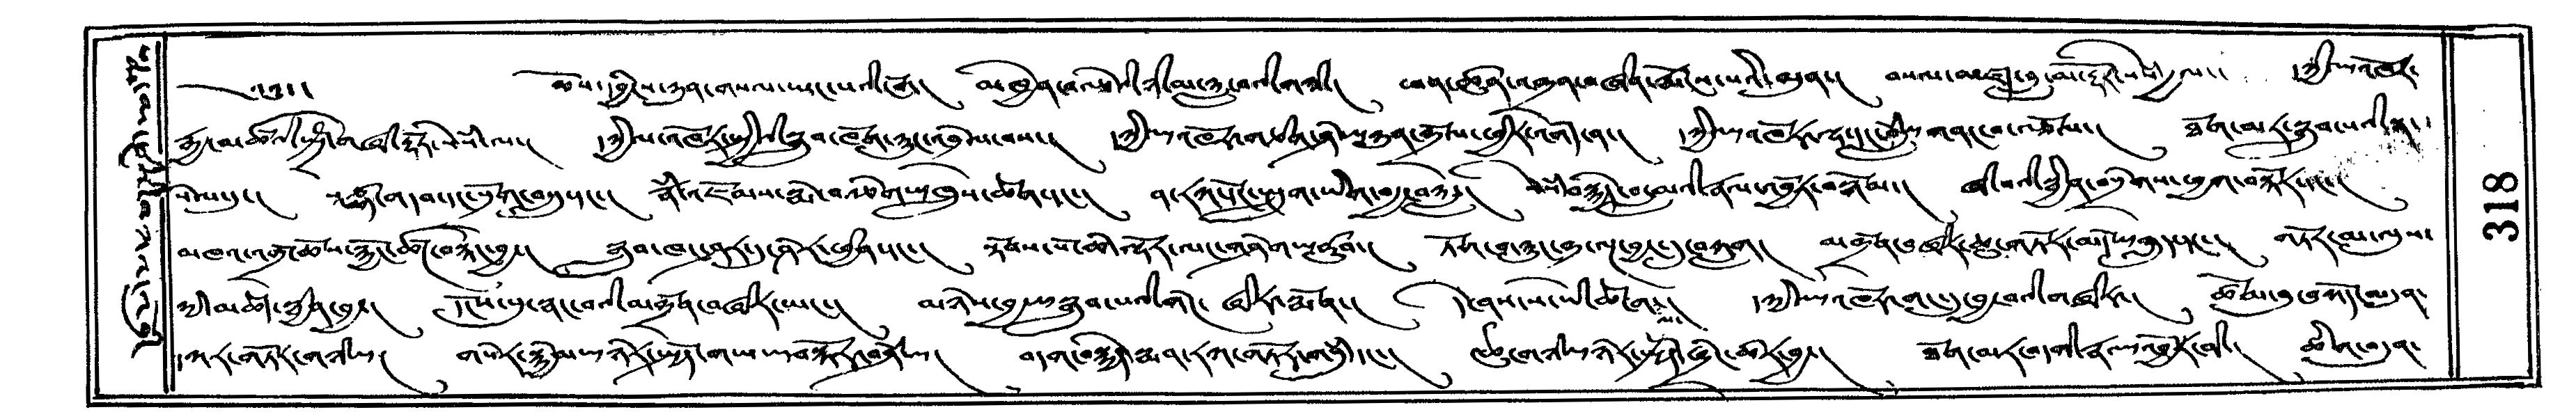༄༅། ཆོས་དབྱིངས་ཀུན་གསལ་ཡངས་པའི་ངོགས། །མཁྱེན་བརྩིའི་ཉི་མ་ཟླ་བའི་གཟི། །ཕན་ཚུན་འགྲན་བཞིན་རྨོངས་པའི་མུན། །བསལ་མཛད་བླ་མ་རྡོར་སེམས་རྒྱལ། །དཀྱིལ་འཁོར་
རྒྱ་མཚོའི་སྤྲོ་གཞི་རྡོར་སེམས་དང་། །དཀྱིལ་འཁོར་སྤྱི་ཡི་སྒྲུབ་ཁོག་ཟུང་འབྲེལ་བས། །དཀྱིལ་འཁོར་གཅིག་ཤེས་ཀུན་གྲོལ་ཕྱིར་འགོད་ན། །དཀྱིལ་འཁོར་ལྷ་དང་བླ་མས་གནང་བ་སྩོལ། །ཐོག་མར་སྒྲུབ་པའི་སྣ་
སེལ་དུ། །སཱཙྪ་གདབ་དང་སྲོག་བསླུ་དང་། །རྣམ་འཇོམས་སྨེ་བརྩེགས་ཁྲུས་ཆོག་དང་། །ན་རཀ་དོང་སྤྲུགས་ཡིག་བརྒྱ་བཟླ། །སེམས་བསྐྱེད་བླ་མའི་རྣལ་འབྱོར་བསྒོམ། །ཞི་བའི་སྦྱིན་སྲེག་ཕྱག་བསྐོར་དང་། །
མཁའ་འགྲོ་ཆོས་སྐྱོང་ཚོགས་སྐོང་བྱ། །སྒྲུབ་ཁང་ཤར་དུ་ཤེར་ཕྱིན་དང་། །སྟོབས་པོ་ཆེ་ལྷོར་ལང་གཤེགས་ནུབ། །ཏོག་གཟུངས་གྲ་ལྔ་བྱང་དུ་བཀླག །མགྲོན་བཞིར་ཆུ་གཏོར་མདོས་གླུད་དང་། །གཏོར་མ་ལུས་
ཀྱི་མཆོད་སྦྱིན་བྱ། །དངོས་སུ་སྣང་བའི་མགྲོན་བཞིར་ཡང་། །མཉེས་བྱས་སྒྲུབ་པའི་གེགས་ཞིར་སྨོན། །དེ་ནས་ས་ཡི་ཆོ་ག་ལ། །དཀྱིལ་འཁོར་གང་དུ་བྱ་བའི་གཞིར། །ཚོམ་བུ་བཀོད་མདུན་
དཀར་གཏོར་གཉིས། །གསེར་སྐྱེམས་ཉེར་སྤྱོད་གཡས་བསྐོར་བཤམས། །བདག་བསྐྱེད་སྨན་རཀ་གཏོར་གསུམ་དང་། །ཆུ་གཉིས་ཉེར་སྤྱོད་ཕྲེང་ཚར་བྱ། །ཐོག་མར་བདག་གི་རྣལ་འབྱོར་ནི། །ཚིག་བདུན་